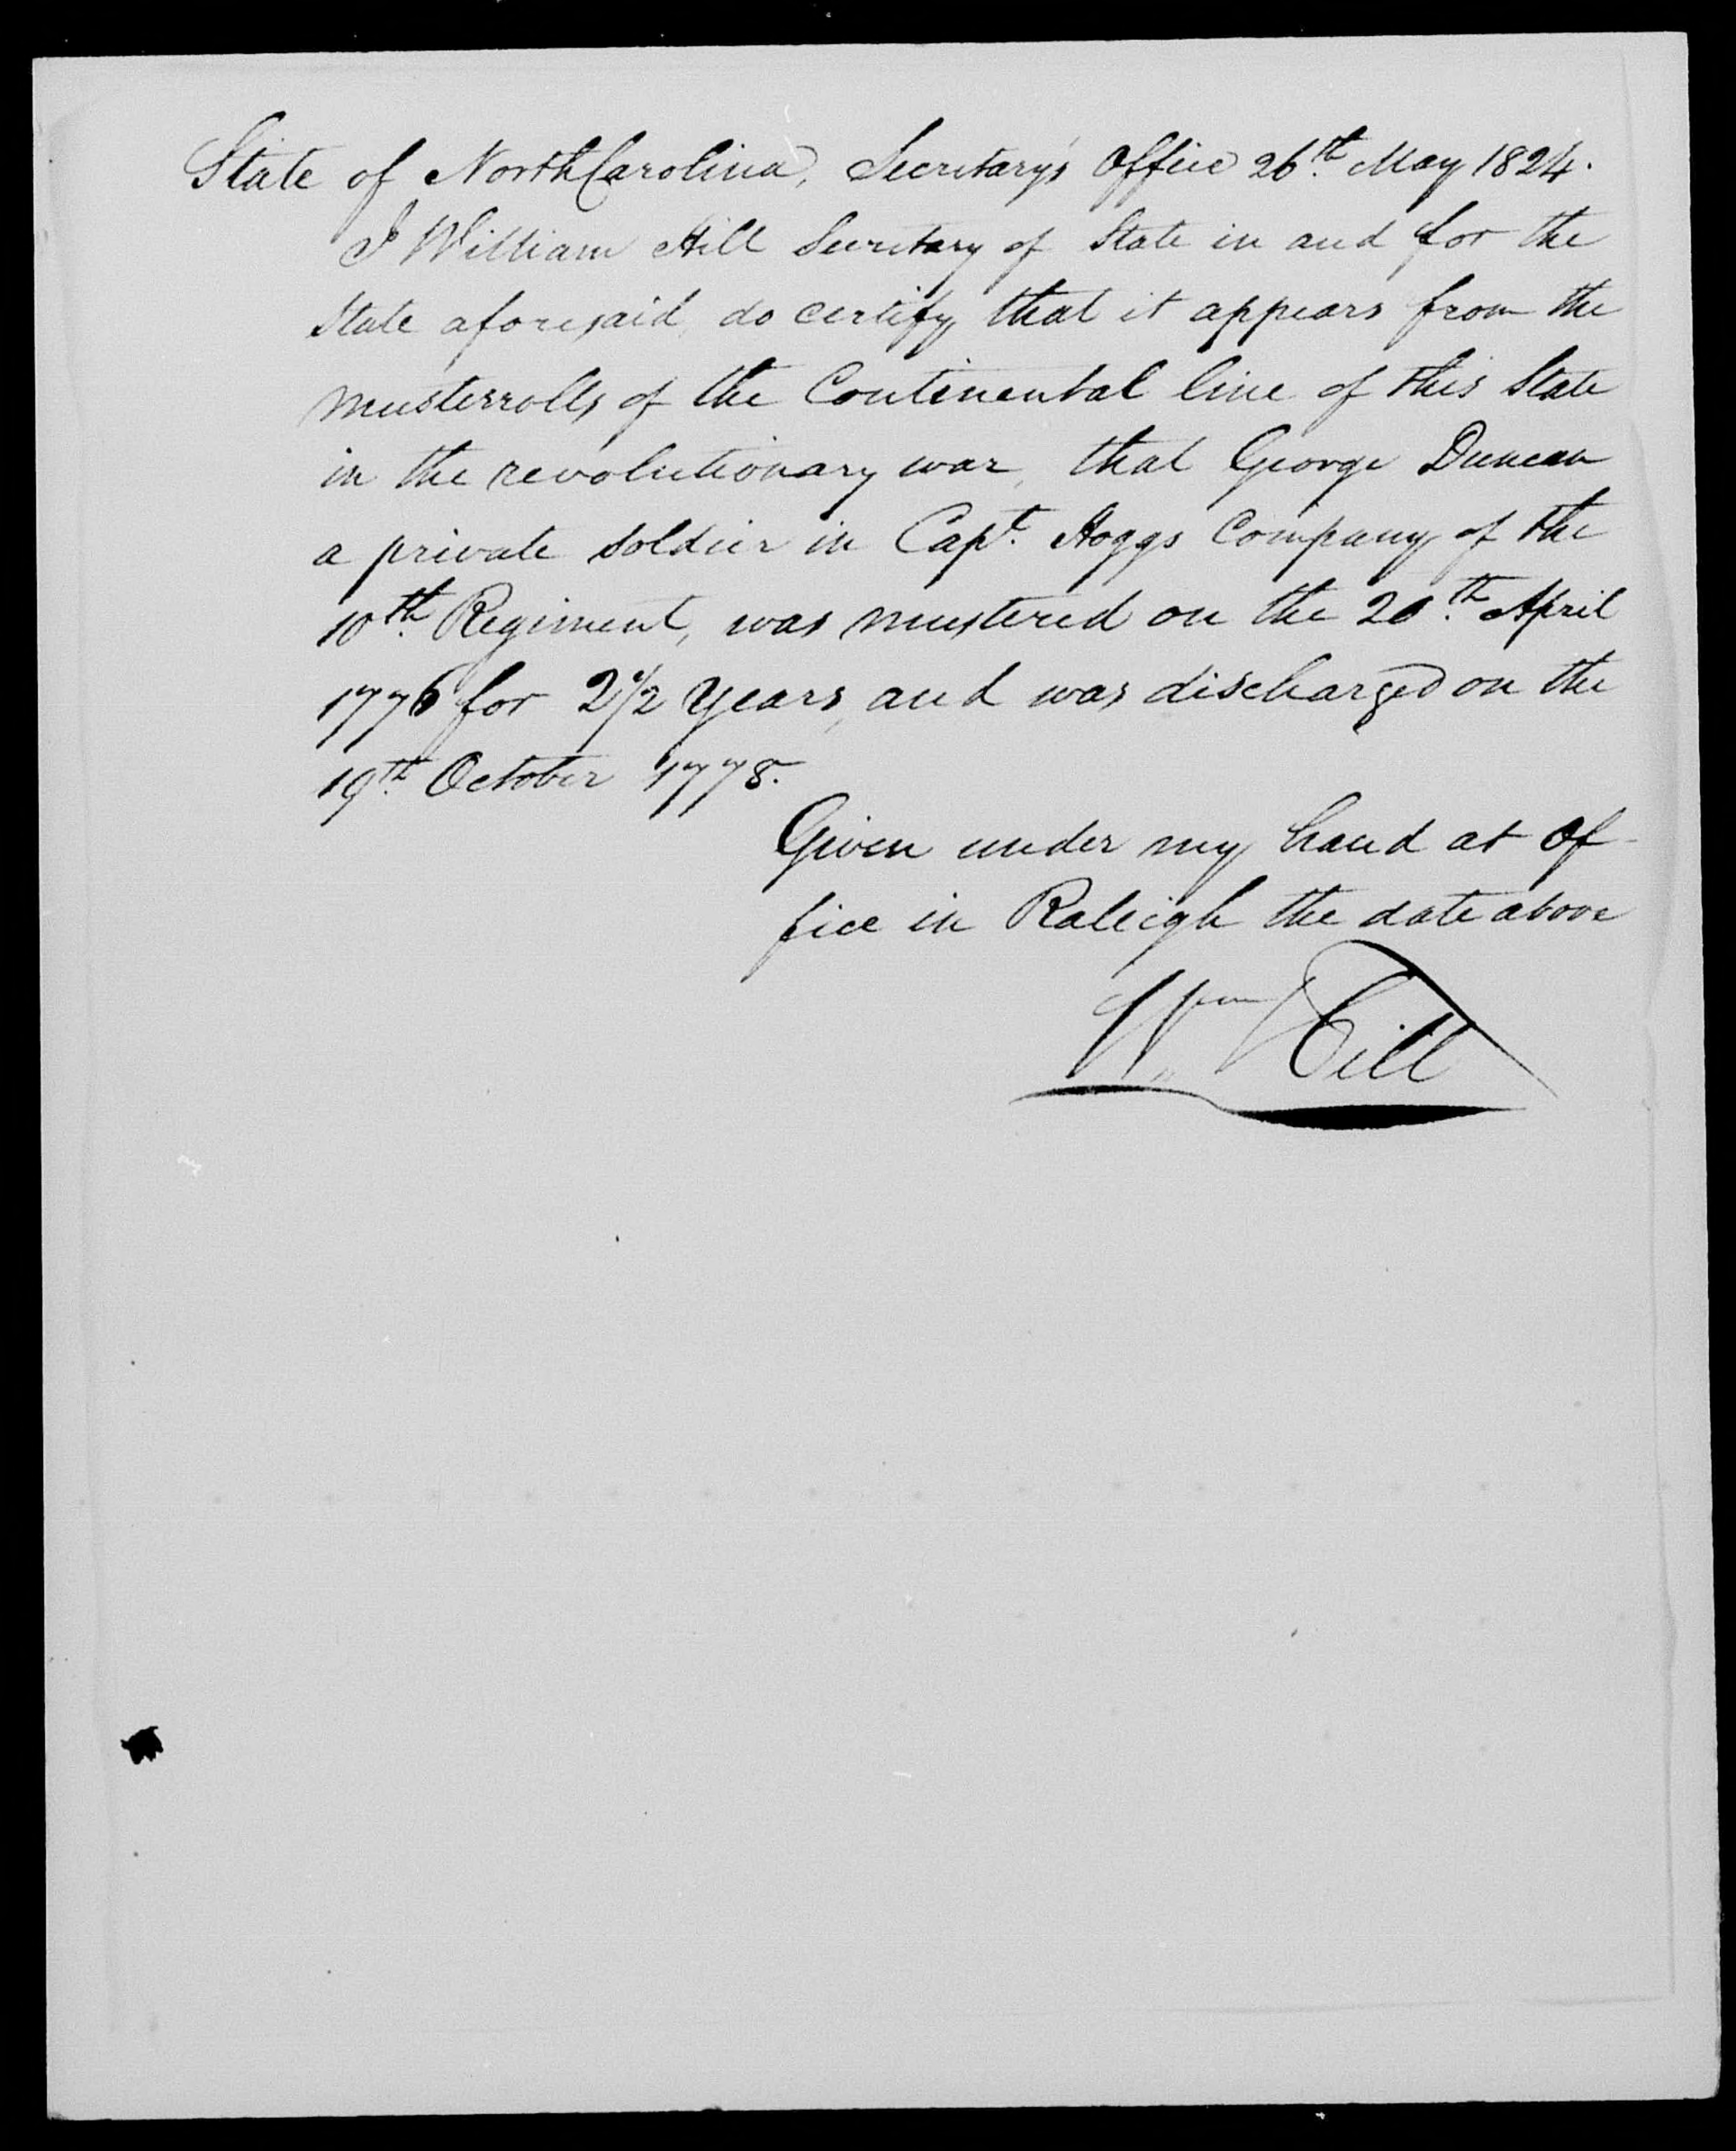State of
North Carolina, Secretary's Office 26th May 1824.
I William Hill Secretary of State in and for the
State aforesaid do certify that it appears from the
musterrolls of the Continental line of this State
in the revolutionary war that George Duncan
a private soldier in Capt Hoggs Company of the
10th Regiment, was mustered on the 20th April
1776 for 2 ½ years and was discharged on the
19th October 1778.
Given under my hand at office in Raleigh the date above
Wm Hill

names: William Hill, George Duncan, Wm Hill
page: 36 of 49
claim: survivor's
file: S. 41513, George Duncan, N.C.